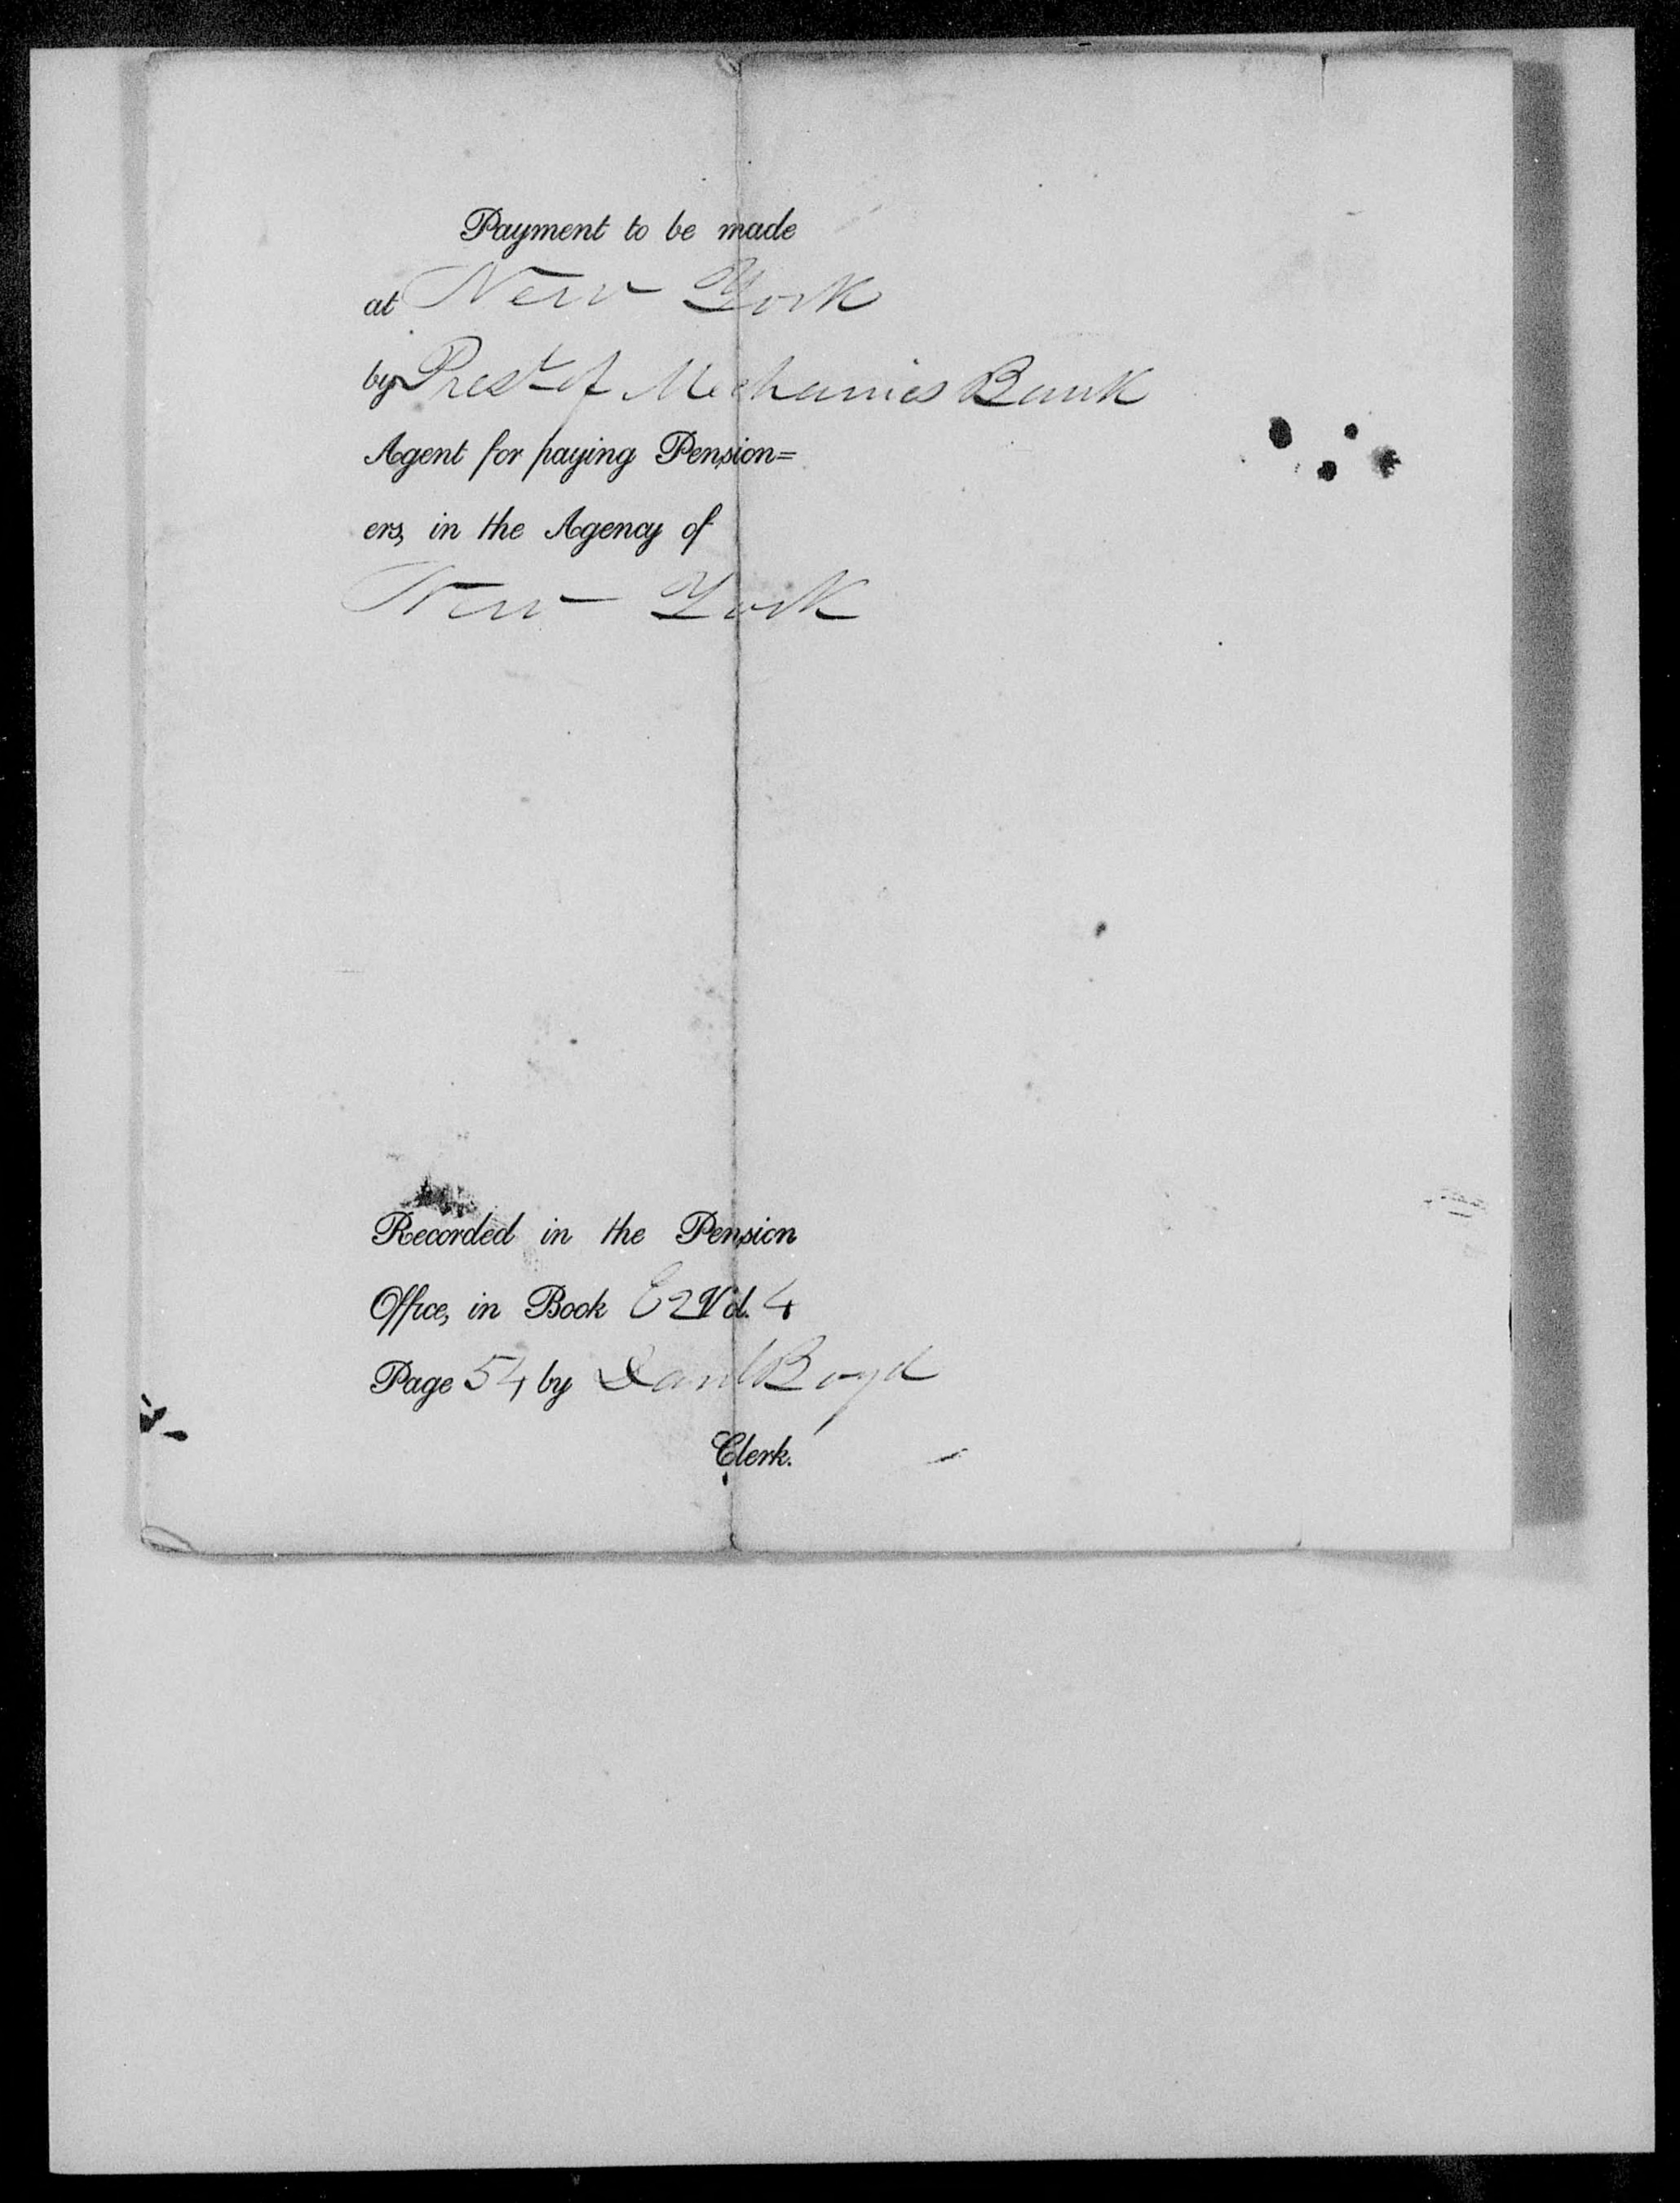Payment to be made at New York by Prest of Mechanics Bank Agent for paying Pensioners, in the Agency of New York 
Recorded in the Pension Office, in Book E2 Vol 4  Page 54 by Danl Boyd Clerk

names: Danl Boyd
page: 44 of 73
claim: widow's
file: W. 2338, for Joseph P Peters, Connecticut